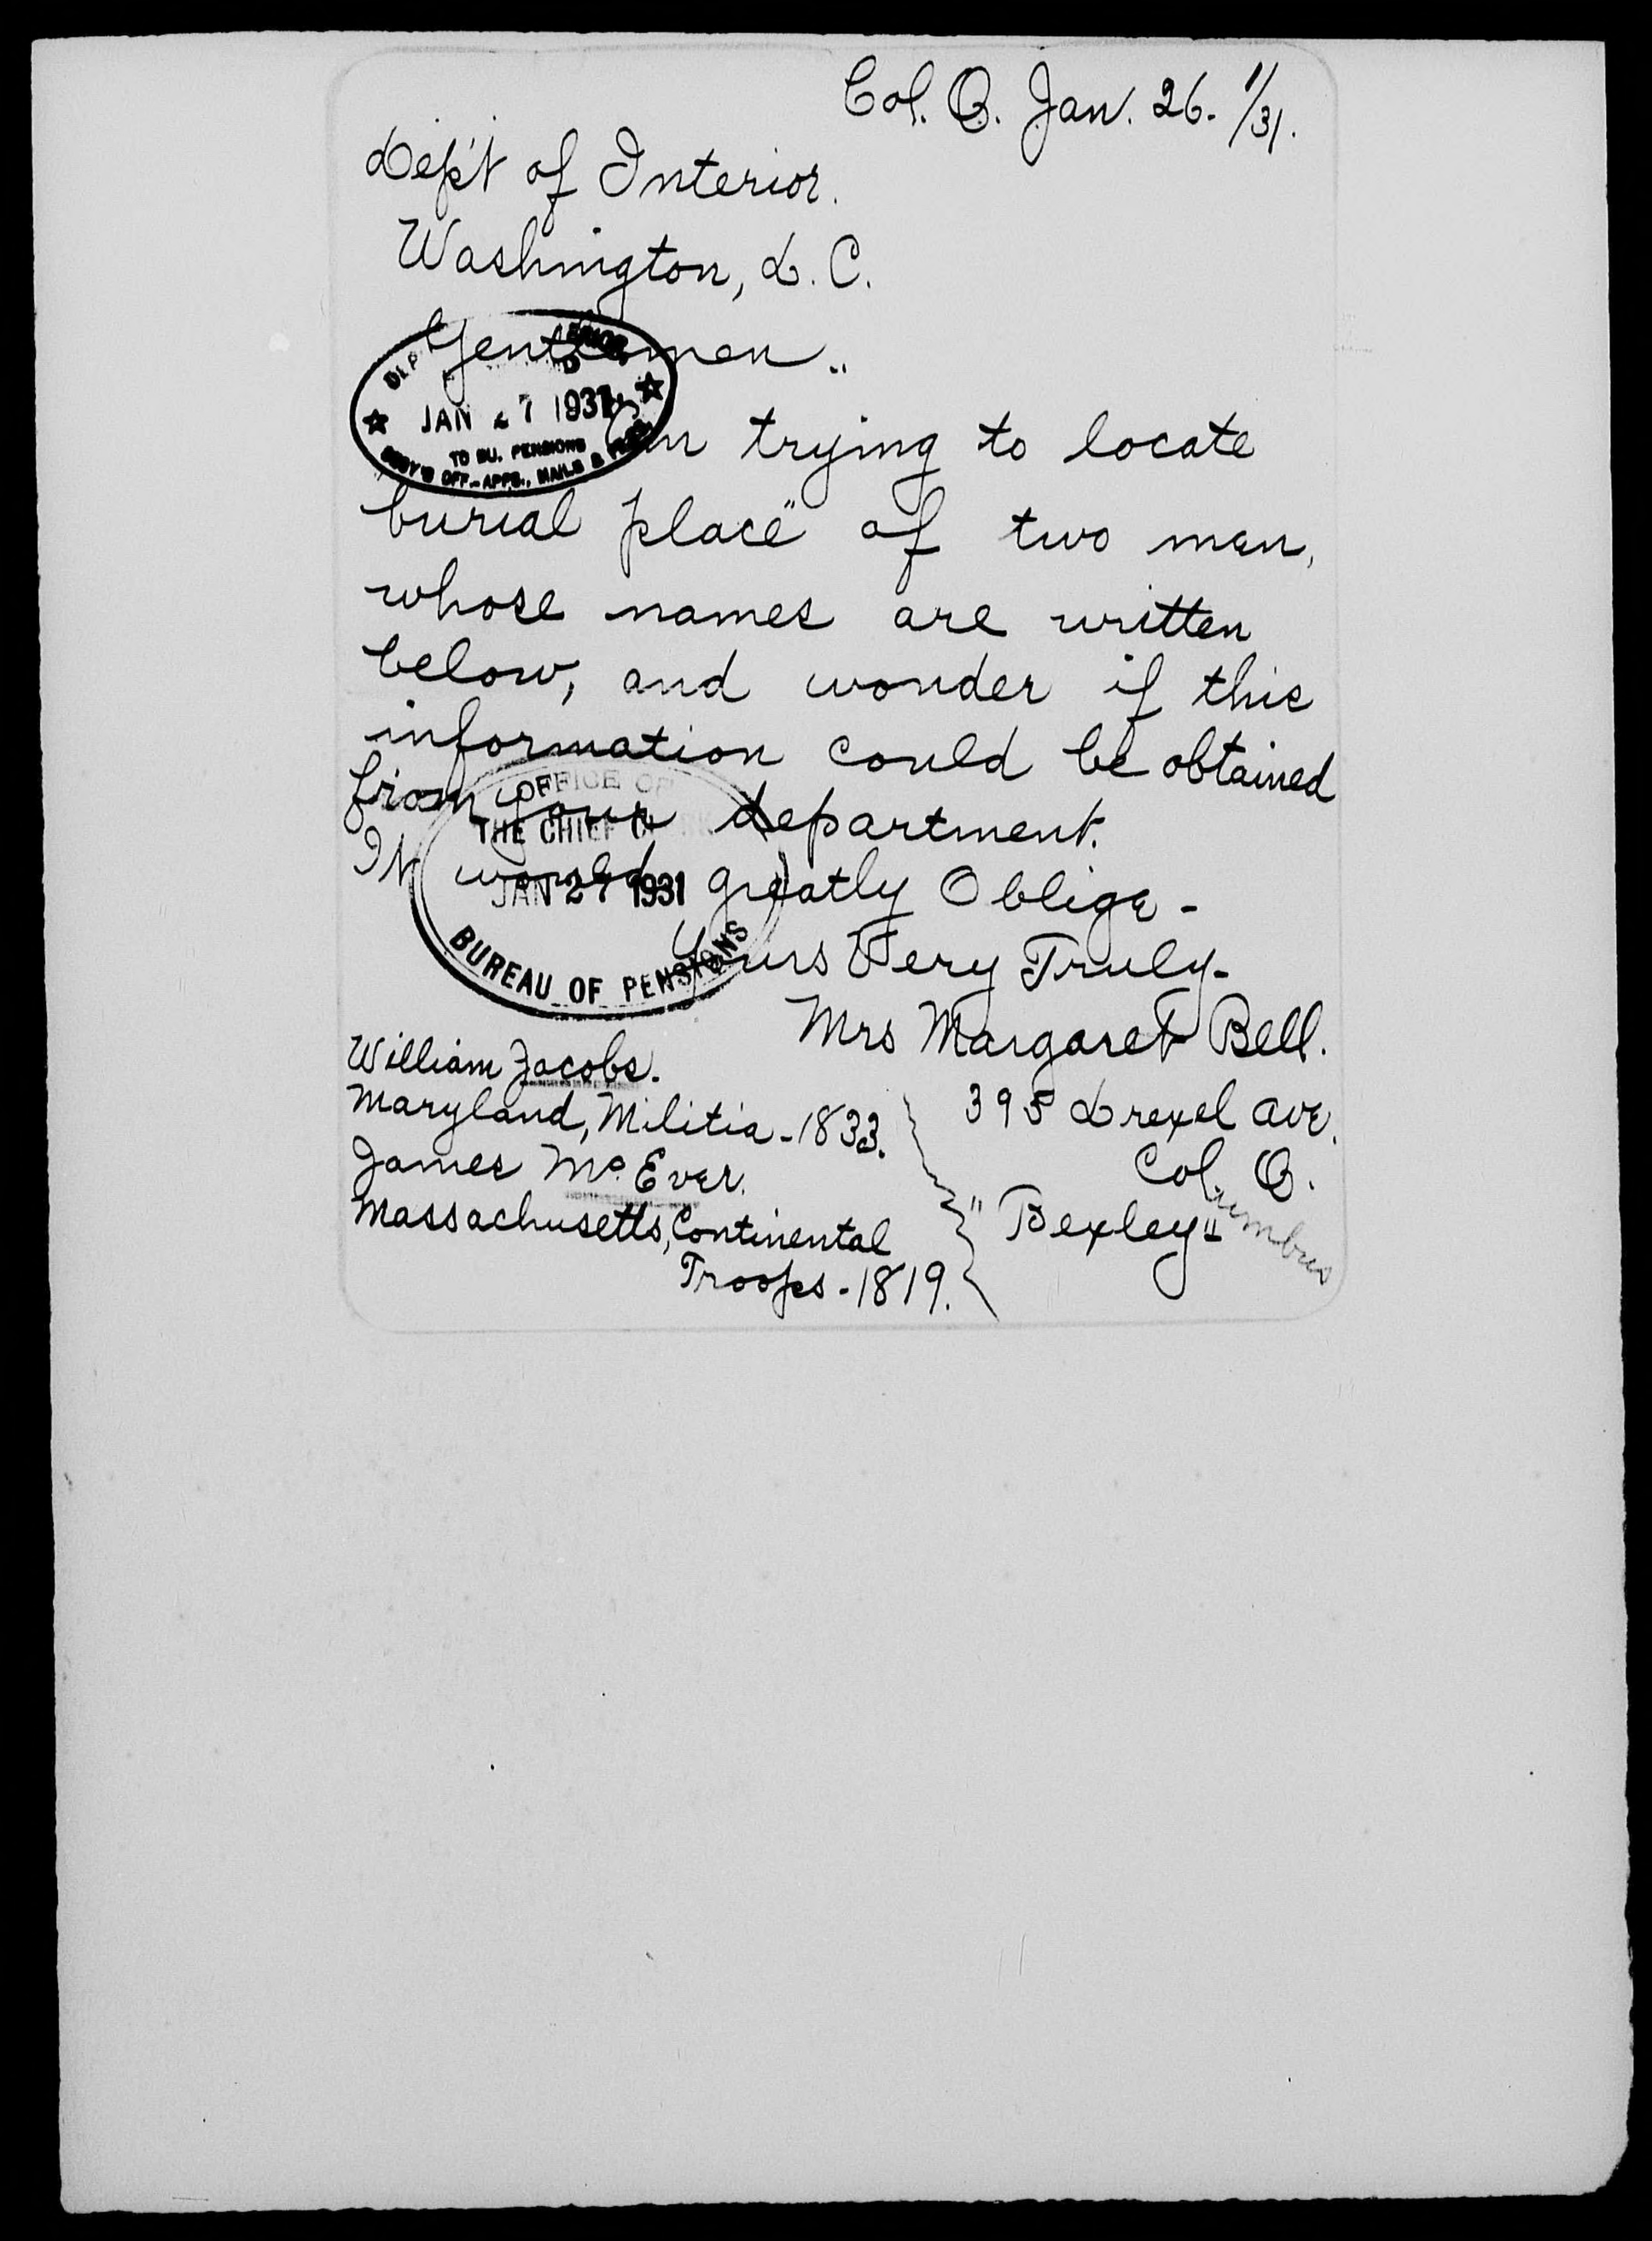Col. O. Jan 26 1/31 
[Columbus Ohio, January 26, 1931]

Dept of Interior 
Washington, D.C. 
Gentlemen 
Am trying to locate burial place of two men, whose names are written below, and wonder if this information could be obtained from your department. It would greatly Oblige. 
Yours Very Truly,
Mrs. Margaret Bell
385 Drexel Ave.
Columbus O.
“Bexley”

William Jacobs 
Maryland, Militia 1833. 
James McEver 
Massachusetts, Continental 
Troops - 1819.

[stamp, mostly illegible:] JAN 27 1931 TO BU PENSIONS

[stamp:] OFFICE OF CHIEF OF BUREAU OF PENSIONS JAN 27 1931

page: 14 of 23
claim: survivor's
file: S. 2289, for William Jacobs, Maryland